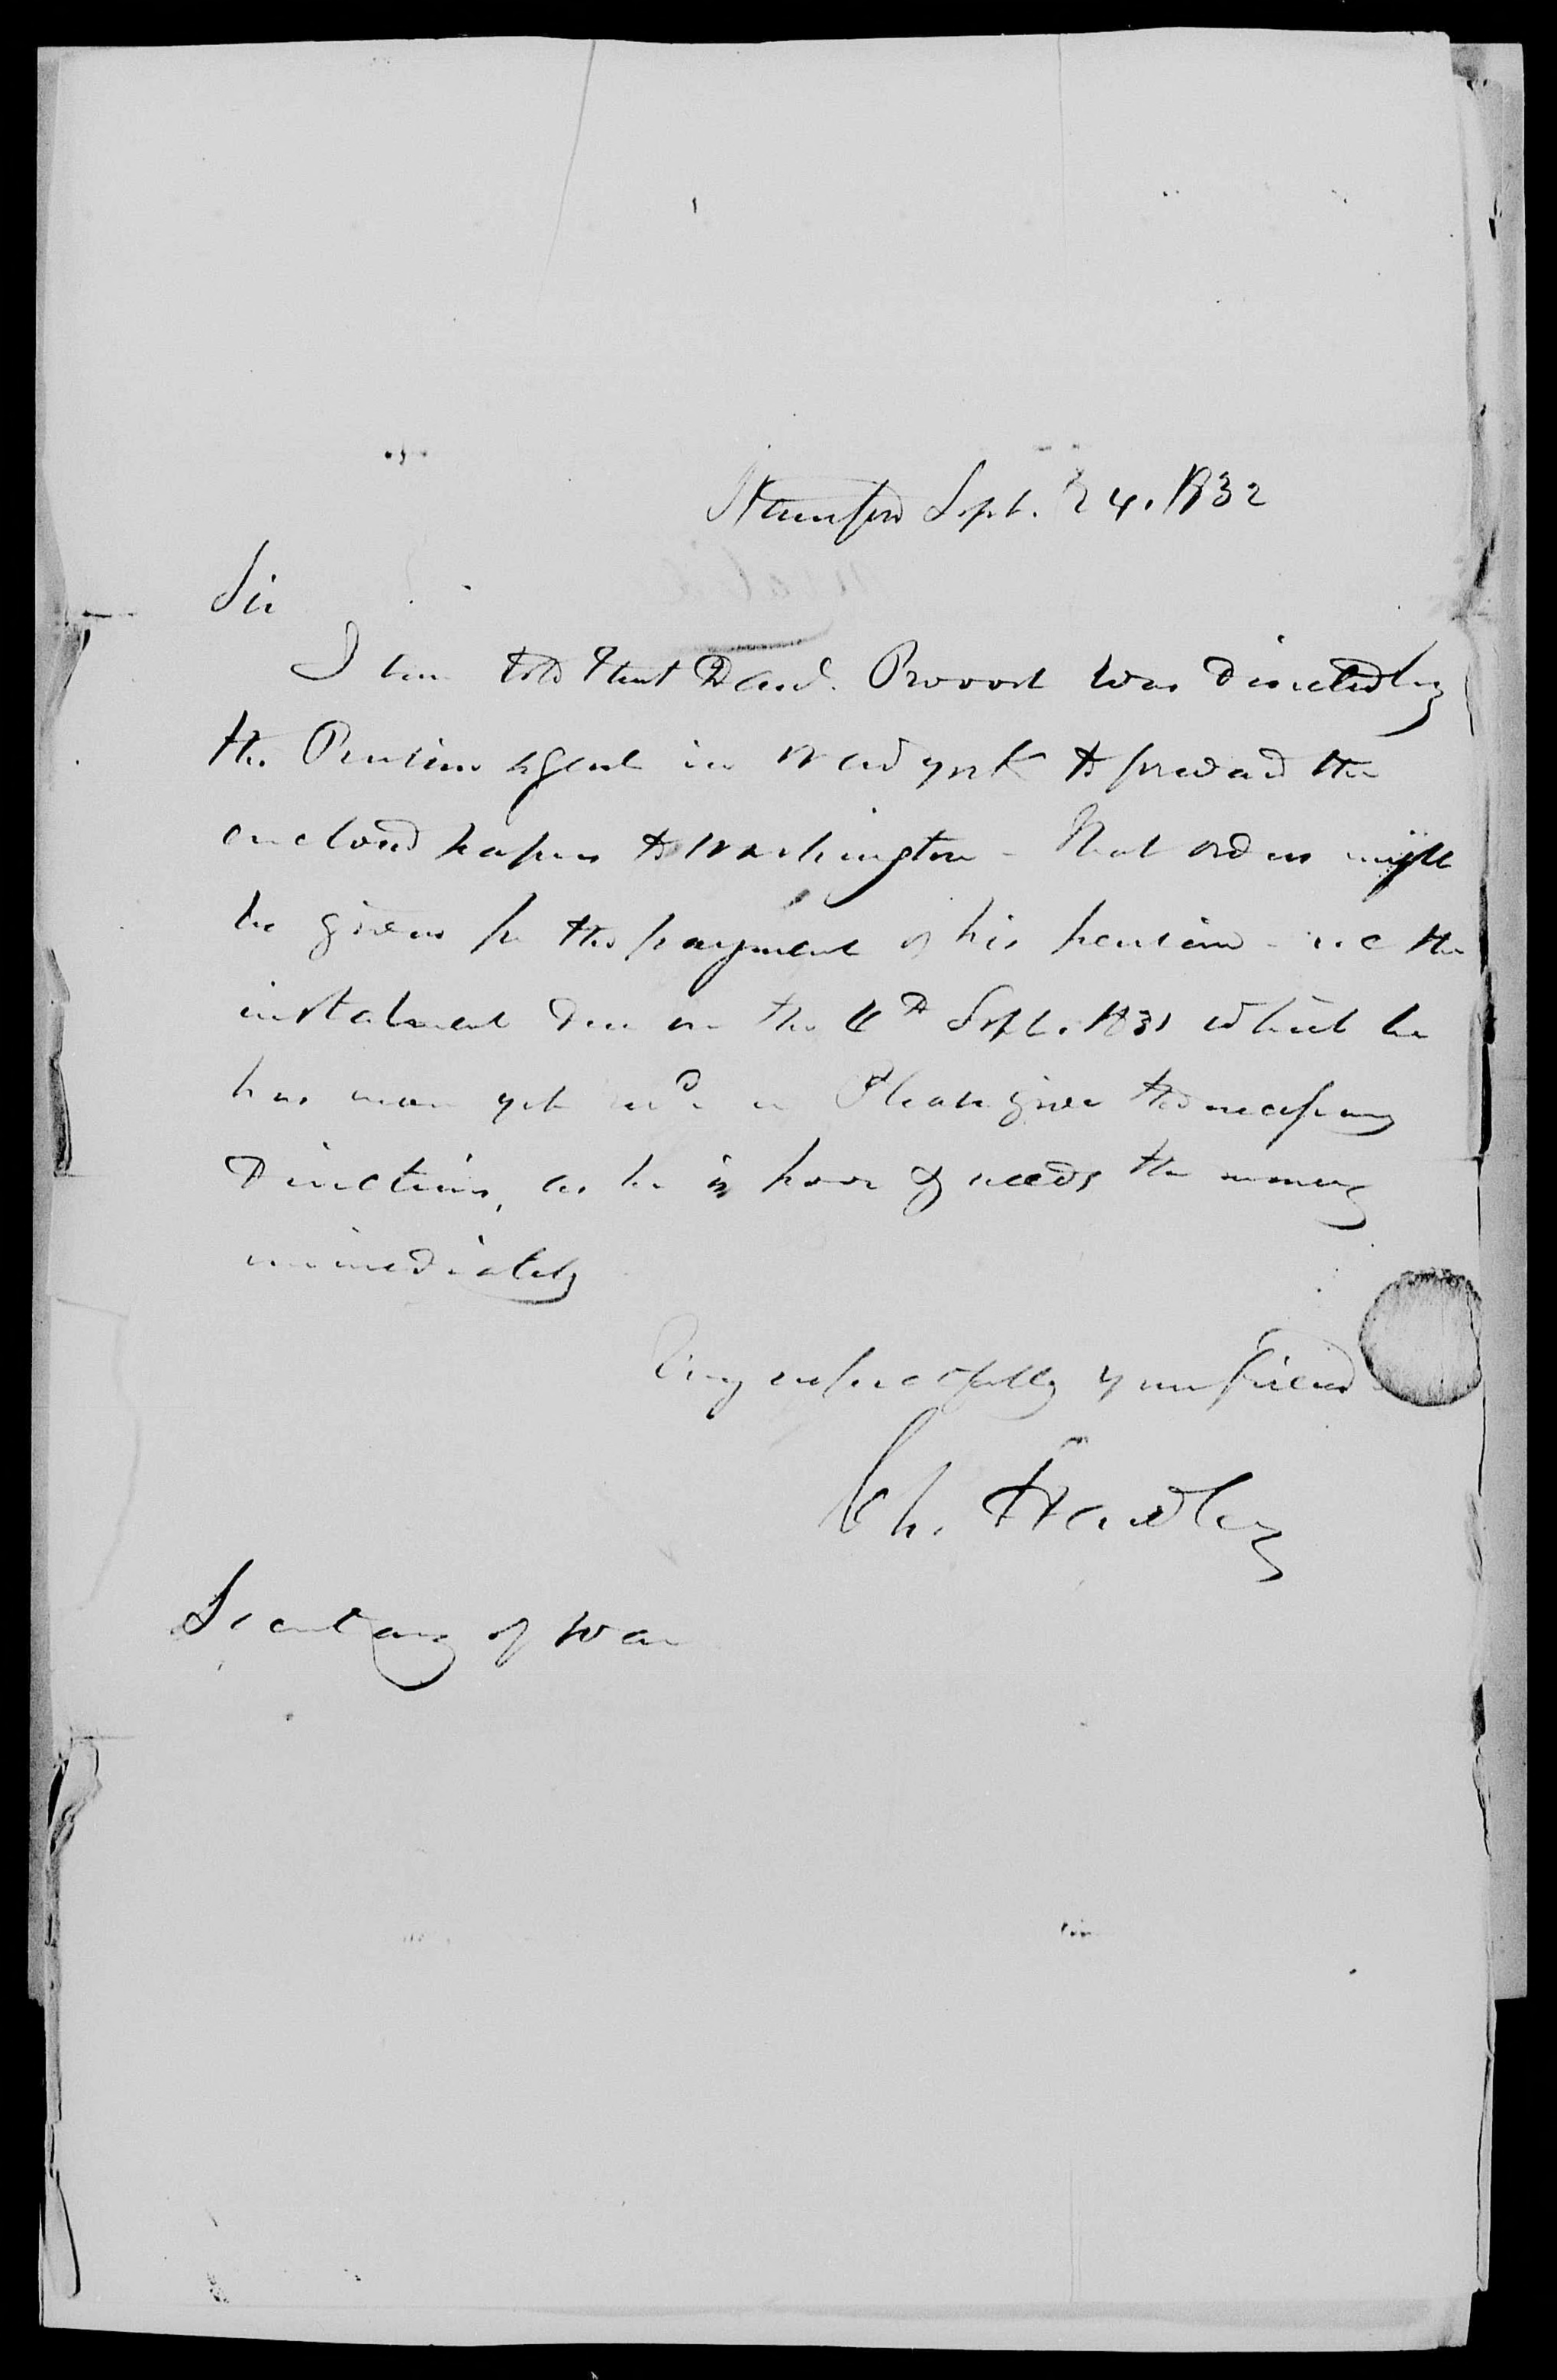Stamford Sept. 24. 1832
Sir
I am told that Danl Provost was directed by
the Pension agent in New York & forward the
enclosed papers to Washington - That and in [illegible]
be given per the payment of his pension since the
instalment on the 6th Sept. 1831 which he
has [illegible] Please give the necessary
directions as he [illegible] & needs the money
immediately
Very respectfully your friend
C. Hawley
Secretary of War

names: Danl Provost; Ch Hawley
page: 21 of 24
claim: survivor's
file: S. 20,926, for Daniel Provost, Connecticut